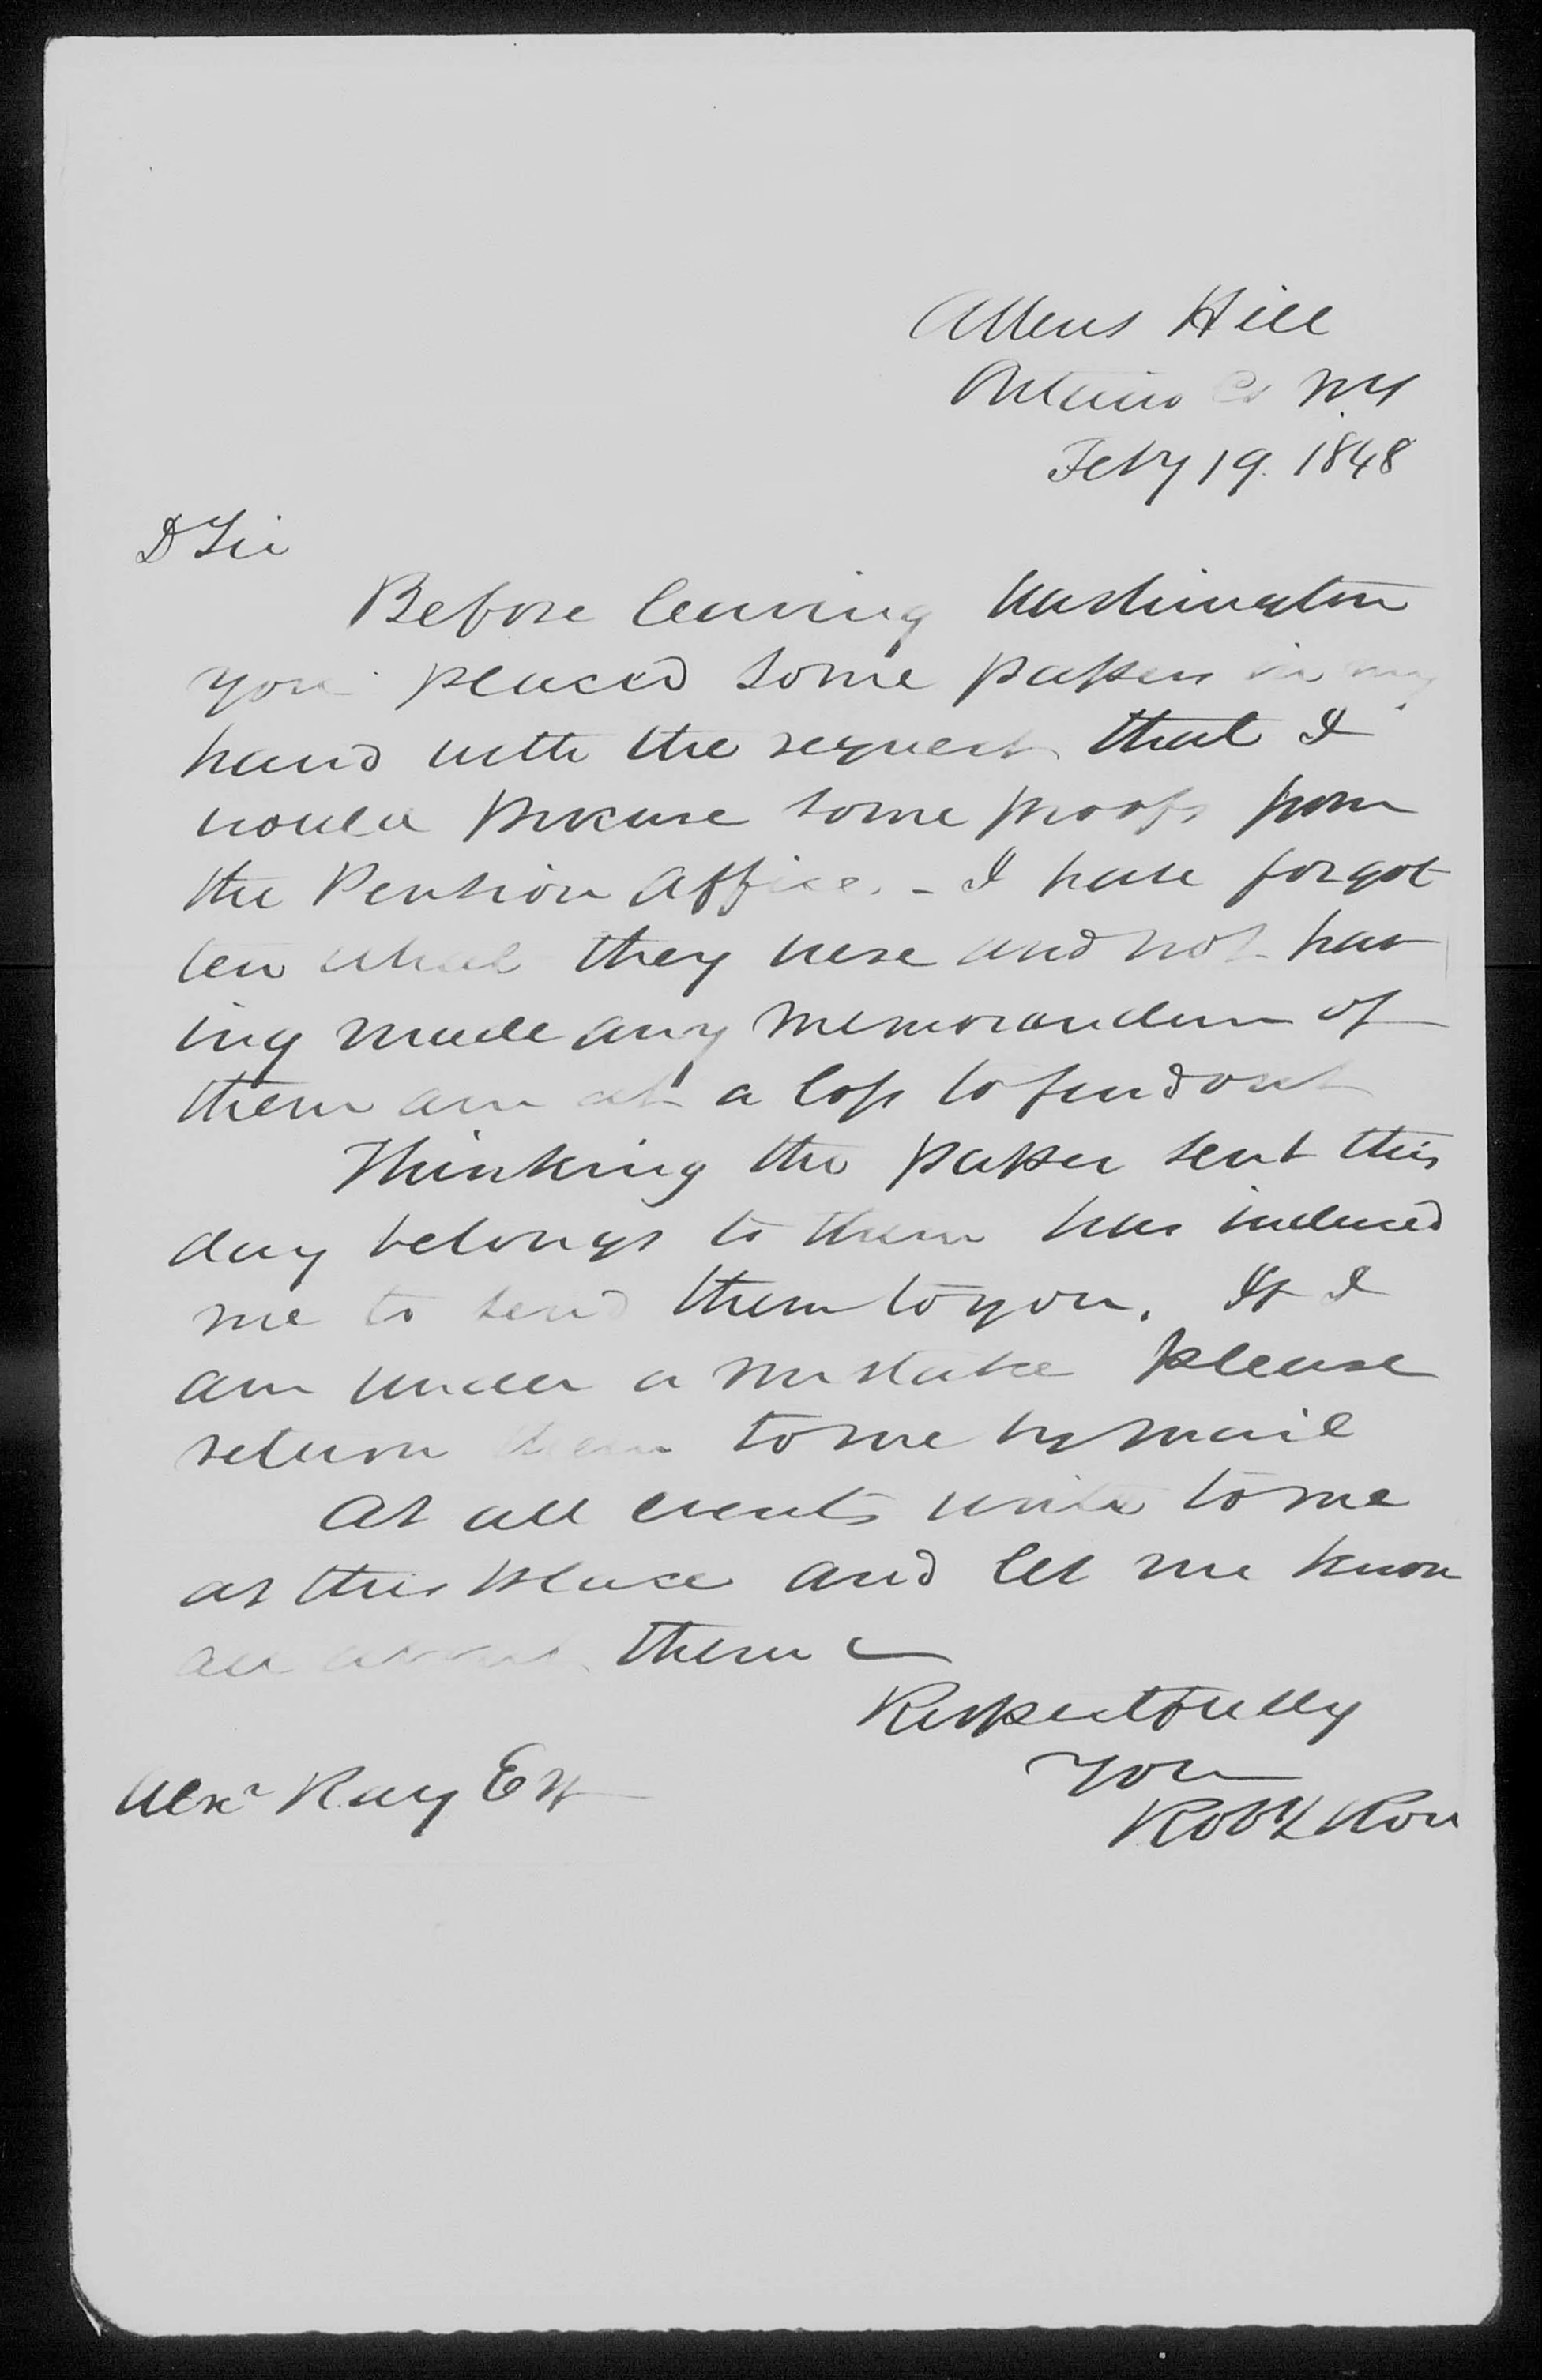Allens Hill
                                                        Main Rd  NY
                                                        Feby 19, 1848
DSir
                                    Before leaving Washington
you placed some papers in my
hand with the request that I
would procure some proof from
the Pension Office, - I have forgot-
ten what they were and not hav-
ing made any memorandum of
them am at a loss to find out
      Thinking the paper sent this
day belongs to them has induced
me to send them to you. If I
an under a mistake please
return them to me by mail
       At all events write to me
at this place and let me know
all about them-
                   Respectfully
Alxr Ray Esq                Yours
                                      Robt Roy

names: Alexr Ray, Robt Roy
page: 27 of 56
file: [ILLEGIBLE], Jonah Benedict, Conn.